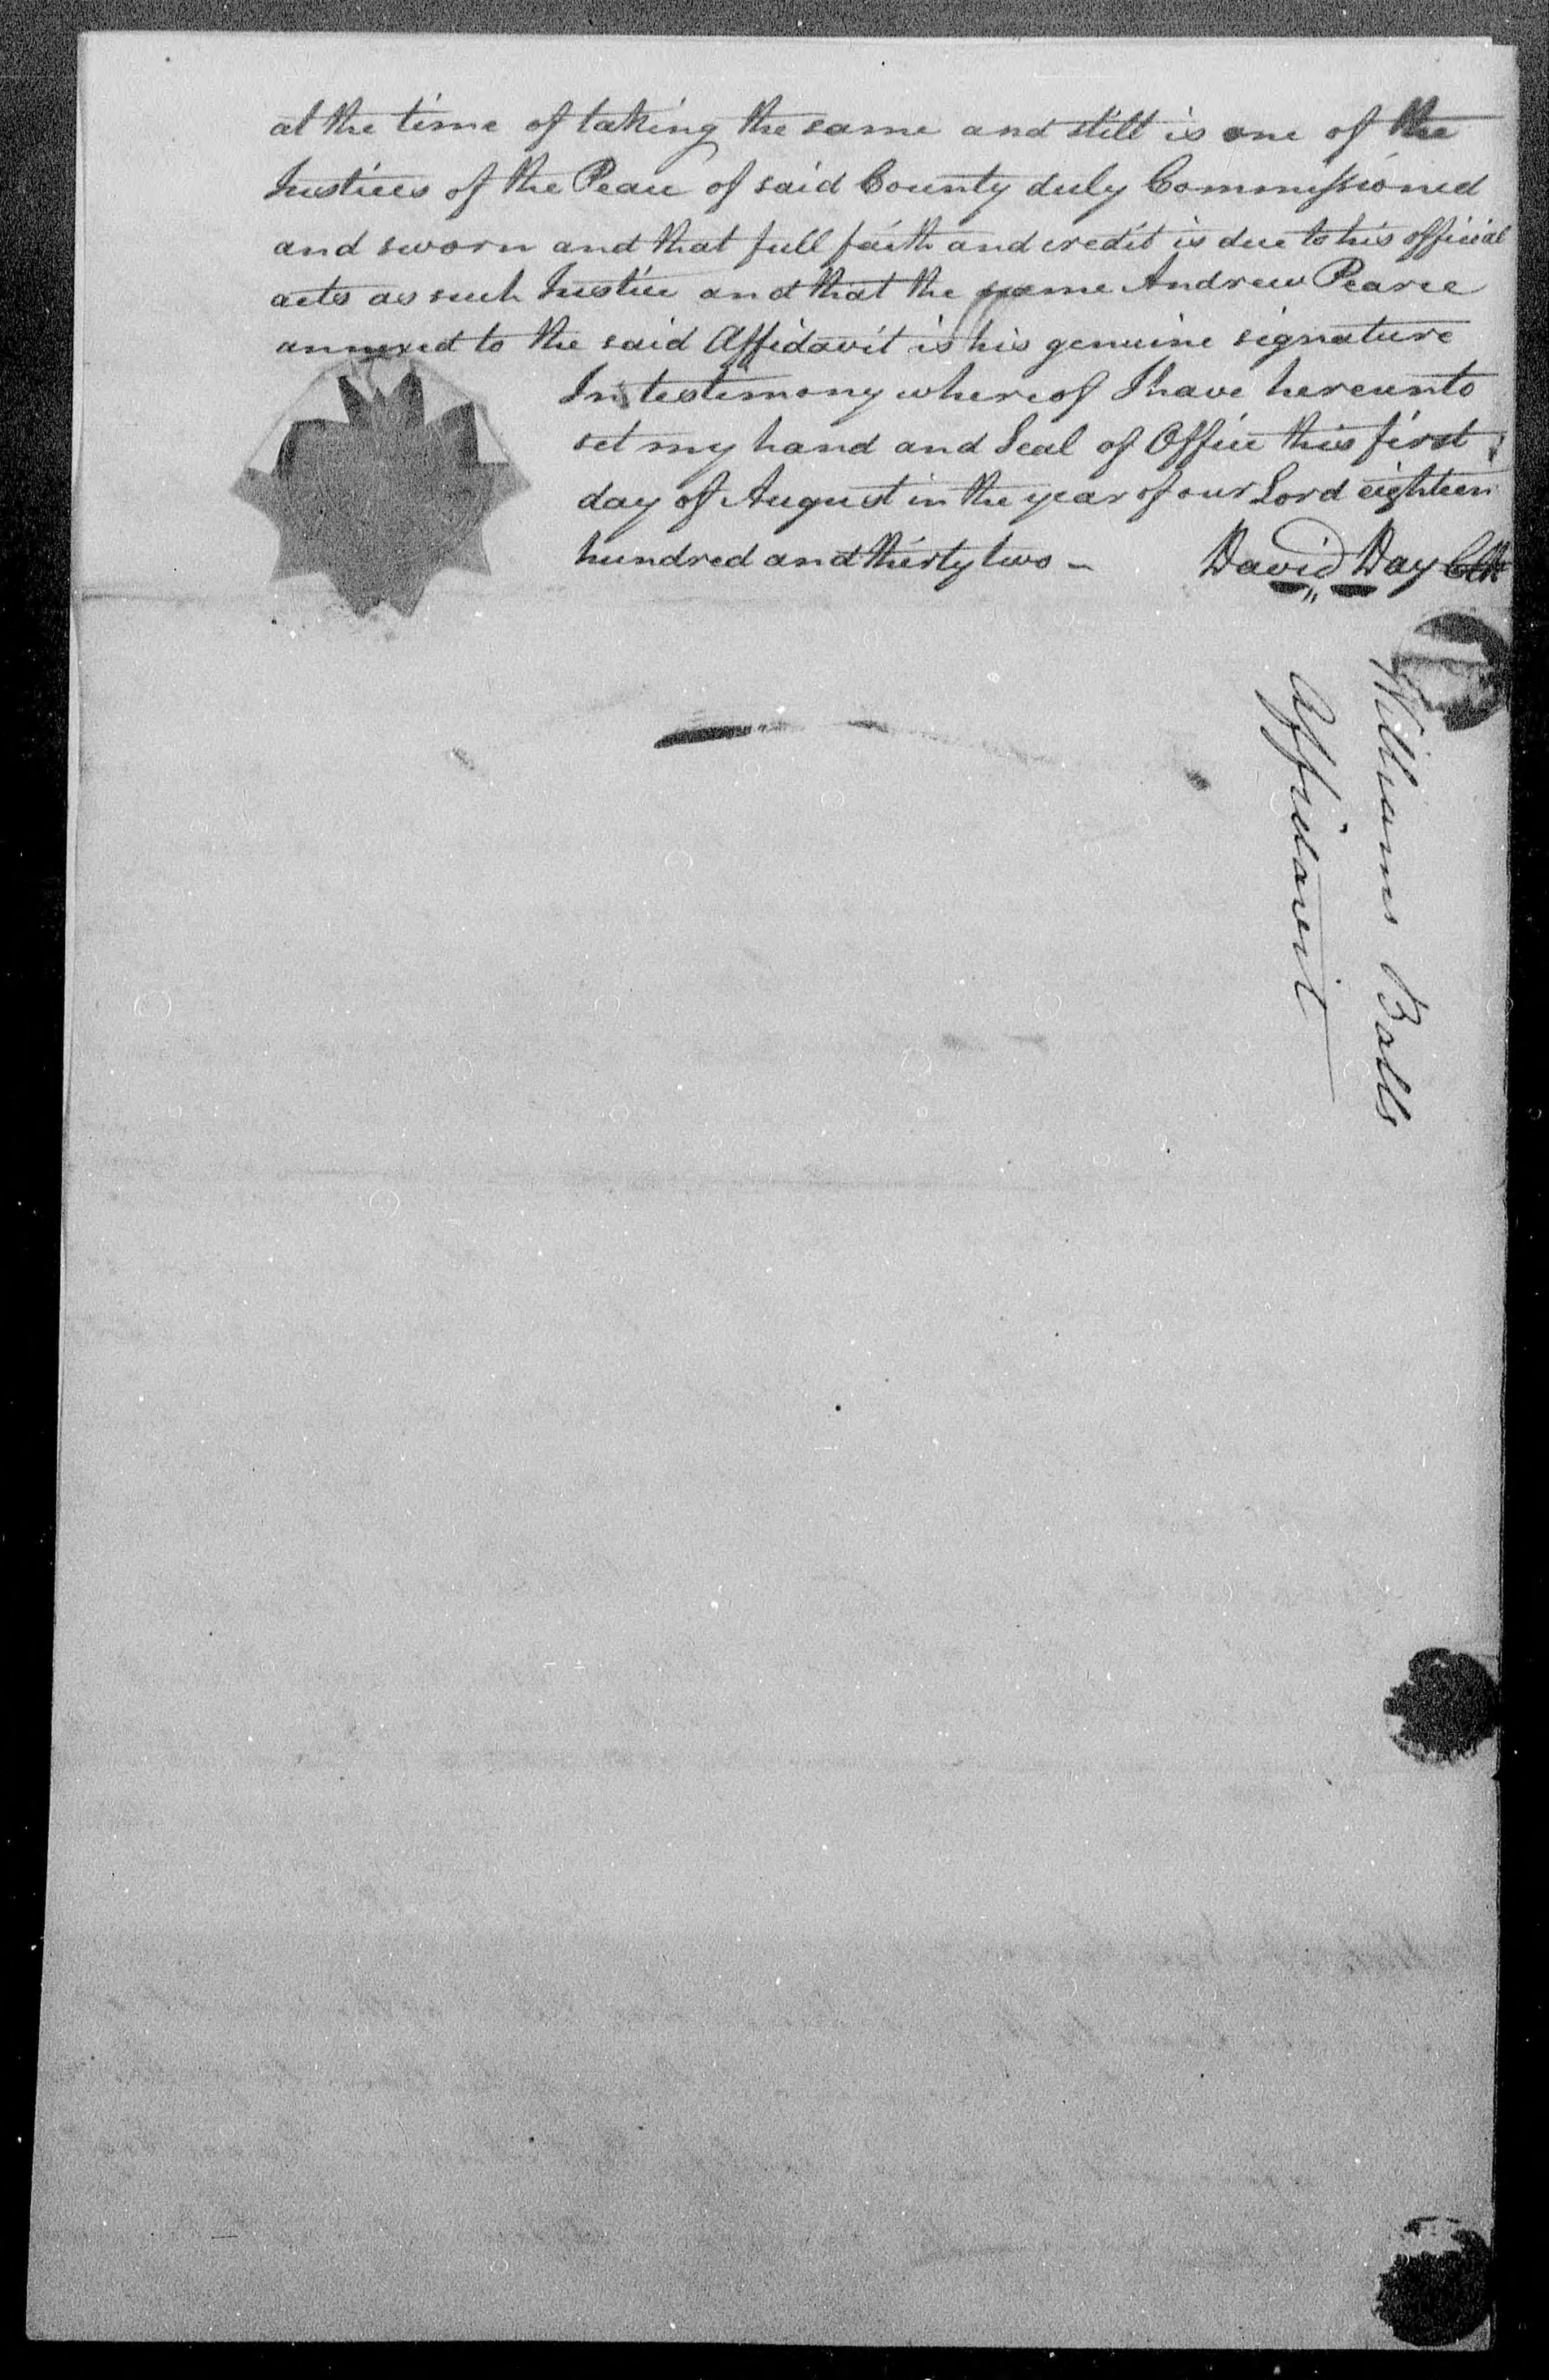[continued from previous page]

at the time of taking the same and still is one of the Justices of the Peace of said county duly commissioned and sworn and that full faith and credit is due to his official acts as such Justice and at that the same Andrew Pearce annexed to the said affidavit is his genuine signature. In testimony whereof I have hereunto set my hand and seal of office this first day of August in the year of our lord eighteen hundred and thirty two.
David Day

Williams Balls
Affidavit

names: Williams Balls, Andrew Pearce, David Day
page: 24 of 38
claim: widow's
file: W. 6644, Jacob Casterline, New Jersey